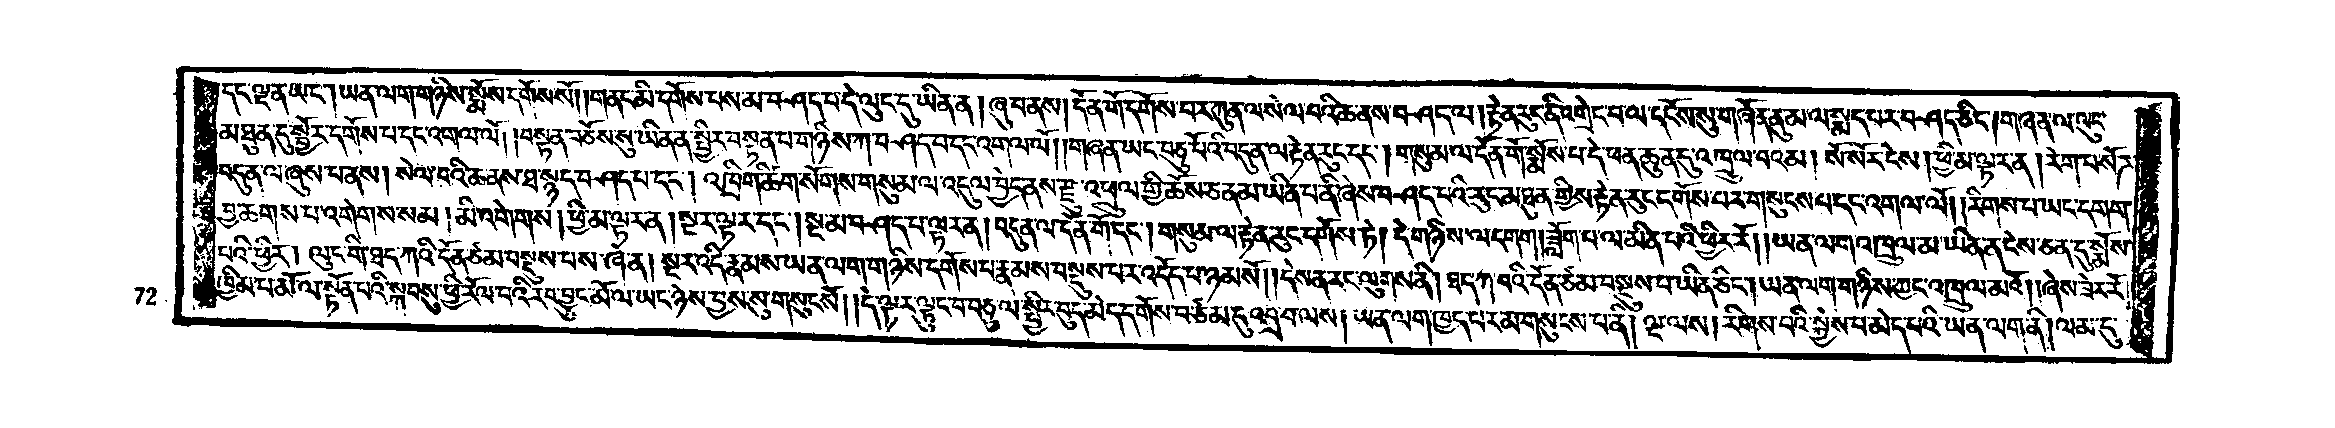དང་ལྡན་ཡང་། ཡན་ལག་གཉིས་སྨོས་དགོས་སོ། །གནང་མི་དགོས་པས་མ་བཤད་པ་དེ་ལུང་དུ་ཡིན་ན། ཞུ་བ་ནས། དོན་གོ་དགོས་པར་ཀུན་ལ་སེལ་བའི་ཆ་ནས་བཤད་ལ། རྟེན་རུང་ནི་འགྲང་བ་ལ་དངོས་སུ་གཞོན་ནུ་མ་ལ་སྨད་པར་བཤད་ཅིང་། གཞན་ལ་རུང་
མཐུན་དུ་སྦྱོར་དགོས་པ་དང་འགལ་ལོ། །བསྟན་བཅོས་སུ་ཡིན་ན་སྤྱིར་བསྟན་པ་གཉིས་ཀ་བཤད་པ་དང་འགལ་ལོ། །གཞན་ཡང་བཅུ་པོའི་བདུན་ལ་རྟེན་རུང་དང་། གསུམ་ལ་དོན་གོ་སྨོས་པ་དེ་ཕན་ཚུན་དུ་འཁྲུལ་བའམ། སོ་སོར་ངེས། ཕྱི་མ་ལྟར་ན། རེག་པ་སོཌ་
བདུན་ལ་ཞུས་པ་ནས། སེལ་བའི་ཆ་ནས་ཐ་སྙད་བཤད་པ་དང་། འཁྲིག་ཚིག་སོགས་གསུམ་ལ་འདུལ་བྱེད་ནས་རྫུ་འཕྲུལ་གྱི་ཆོས་ཅན་མ་ཡིན་པ་ནི་ཞེས་བཤད་པའི་རུང་མཐུན་གྱིས་རྟེན་རུང་དགོས་པར་གསུངས་པ་དང་འགལ་ལོ། །རིགས་པ་ཡང་དགག་
བྱ་ཆགས་པ་འགེགས་སམ། མི་འགེགས། ཕྱི་མ་ལྟར་ན། སྔར་ལྟར་དང་། སྔ་མ་བཤད་པ་ལྟར་ན། བདུན་ལ་དོན་གོ་དང་། གསུམ་ལ་རྟེན་རུང་དགོས་ཏེ། དེ་གཉིས་ལ་དགག །ཟློག་པ་ལ་མིན་པའི་ཕྱིར་རོ། །ཡན་ལག་འཁྲུལ་མ་ཡིན་ན་ངེས་ཅན་དུ་སྨོས་
པའི་ཕྱིར། ལུང་གི་ཐད་ཀའི་དོན་ཙམ་བསྡུས་པས་ཞེ་ན། སྔར་འདི་རྣམས་ཡན་ལག་གཉིས་དགོས་པ་རྣམས་བསྡུས་པར་འདོད་པ་ཉམས་སོ། །དེས་ན་རང་ལུགས་ནི། ཐད་ཀ་བའི་དོན་ཙམ་བསྡུས་པ་ཡིན་ཅིང་། ཡན་ལག་གཉིས་ཀྱང་འཁྲུལ་མའོ། །ཞེས་ཟེར་རོ།།
ཁྱིམ་པ་མེ་ལ་སྟོན་པའི་སྐབས་སུ་ཕྱི་རོལ་པའི་རབ་བྱུང་མོ་ལ་ཡང་ཉེས་བྱས་སུ་གསུངས་སོ། །དེ་ལྟར་ལྟུང་བ་བཅུ་ལ་སྤྱིར་བུད་མེད་དགོས་པ་ཙམ་དུ་འདྲ་བ་ལས། ཡན་ལག་ཁྱད་པར་མ་གསུངས་པ་ནི། ལྔ་ལས། རིགས་པའི་སྐྱེས་པ་མེད་པའི་ཡན་ལག་ནི། ལམ་དུ་